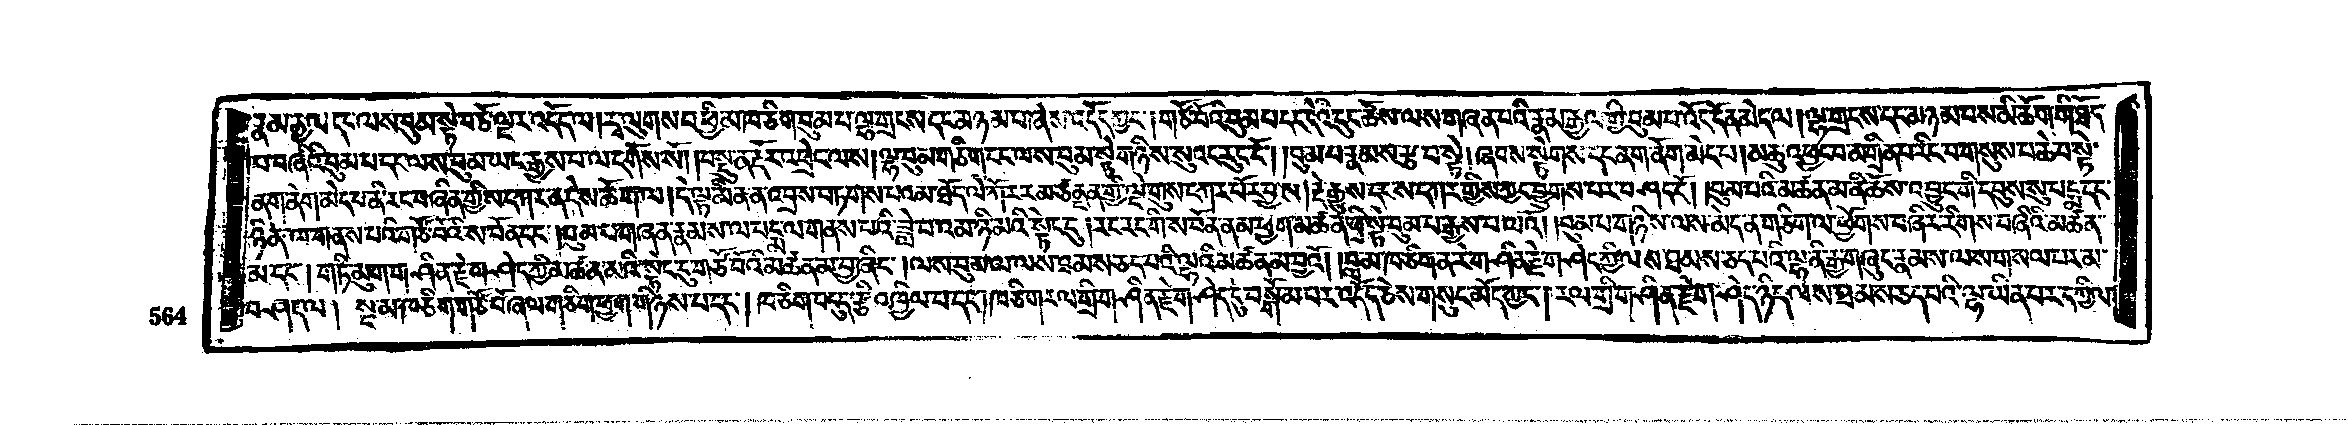རྣམ་རྒྱལ་དང་ལས་བུམ་སྟེ་བཅོ་ལྔར་འདོད་ལ། རྭ་ལུགས་པ་ཕྱི་མ་ཁ་ཅིག་བུམ་པ་ལྷ་གྲངས་དང་མཉམ་པ་ཞེས་འདོད་ཀྱང་། གཙོ་བོའི་བུམ་པ་དང་དེའི་དུང་ཆོས་ལས་གཞན་པའི་རྣམ་རྒྱལ་གྱི་བུམ་པ་འོད་དོན་མེད་ལ། ལྷ་གྲངས་དང་མཉམ་པས་མི་ཆོག་གི་ཐོད་
པ་བཞིའི་བུམ་པ་དང་ལས་བུམ་དང་ལས་བུམ་ཡང་རྒྱས་པ་ལ་དགོས་སོ། །བསྡུ་ན་རྡོར་འཕྲེང་ལས། ལྷ་བུམ་གཅིག་དང་ལས་བུམ་སྟེ་གཉིས་སུའང་རུང་ངོ། །བུམ་པ་རྣམས་རྩ་བ་སྟེ། ཞབས་སྟེགས་དང་ནག་ནོག་མེད་པ། མཆུ་འཕྱང་བ་མགྲིན་པ་རིང་བ་གསུས་པ་ཆེ་བ་སྟེ་
ནག་ནོག་མེད་པ་ནི་རང་བཞིན་གྱིས་དཀར་ན་དེས་ཆོག་ལ། དེ་ལྟ་མིན་ན་འབྲས་བཏགས་པའམ་ཐོད་ལེ་ཀོར་རམ་ཙནྡན་གྱི་ལྡེ་གུས་དཀར་པོར་བྱ་སྟེ། རྡོ་རྒྱུས་དང་ས་དཀར་གྱིས་ཀྱང་བྱུགས་པར་བཤད་དོ། །བུམ་པའི་མཚན་མ་ནི་ཆོས་འབྱུང་གི་དབུས་སུ་པདམ་དང་
ཉི་མ་ལ་གནས་པའི་གཙོ་བོའི་ས་བོན་དང་། བུམ་པ་གཞན་རྣམས་ལ་པདམ་ལ་གནས་པའི་ཟླེ་བ་འམ་ཉི་མའི་སྟེང་དུ། རང་རང་གི་ས་བོན་ནམ་ཕྱག་མཚན་བྲི་སྟེ་བུམ་པ་རྒྱས་པ་ལའོ། །བུམ་པ་གཉིས་ལས་མེད་ན་གཅིག་ལ་ཕྱོགས་བཞིར་རིགས་བཞིའི་མཚན་
མ་དང་། གཏི་མུག་གཤིན་རྗེ་གཤེད་ཀྱི་མཚན་མའི་སྟེང་དུ་གཙོ་བོའི་མཚན་མ་བྱ་ཞིང་། ལས་བུམ་ལ་ལས་ཐམས་ཅད་པའི་ལྷའི་མཚན་མ་བྱའོ། །བླ་མ་ཁ་ཅིག་ན་རེ་གཤིན་རྗེ་གཤེད་ཀྱི་ལས་ནྠམས་ཅད་པའི་ལྷ་ནི་རྒྱ་གཞུང་རྣམས་ལས་གསལ་པར་མ་
བཤད་ལ། སྔ་མ་ཁ་ཅིག་གཙོ་བོ་ཞལ་གཅིག་ཕྱག་གཉིས་པ་དང་། ཁ་ཅིག་བདུད་རྩི་འཁྱིལ་པ་དང་། ཁ་ཅིག་རལ་གྲི་གཤིན་རྗེ་གཤེད་དུ་བསྒོམ་པར་འདོད་ཅེས་གསུང་མོད་ཀྱང་། རལ་གྲི་གཤིན་རྗེ་གཤེད་ཉིད་ལས་ཐམས་ཅད་པའི་ལྷ་ཡིན་པར་དཀྱིལ་